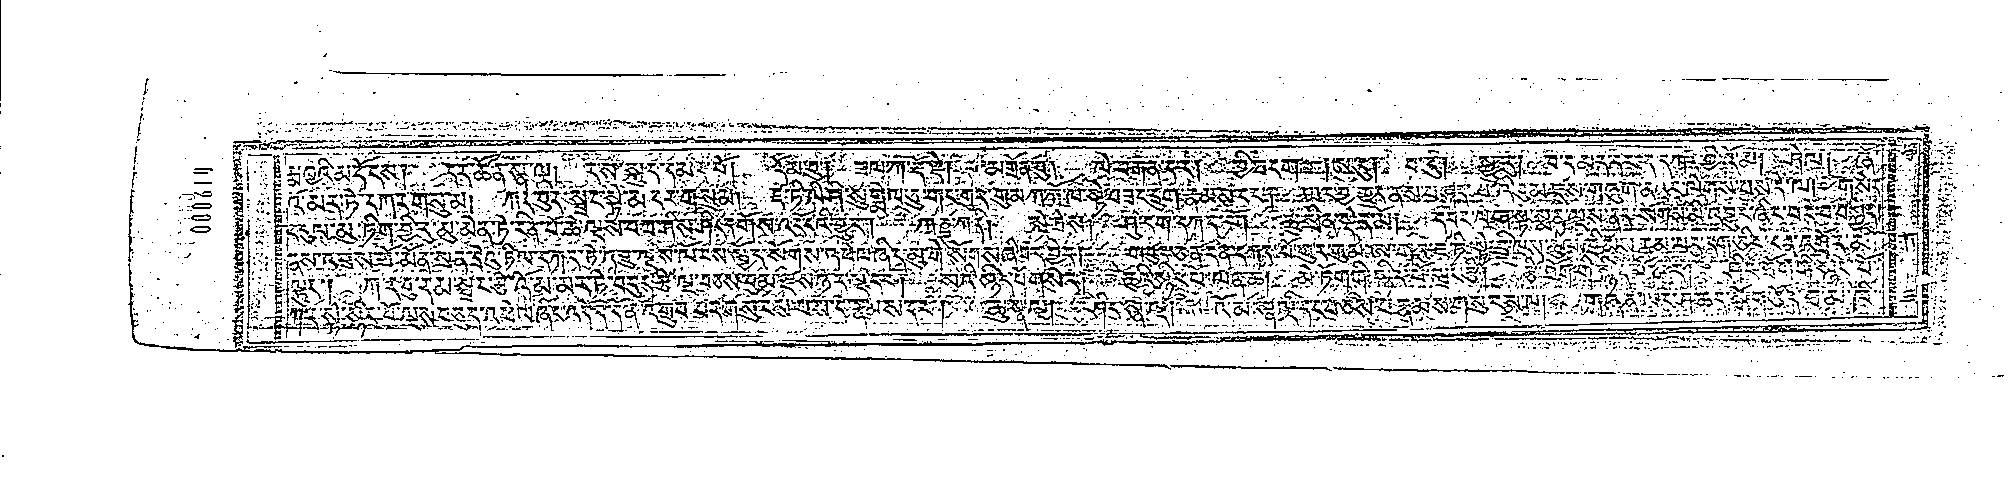རྨ་བྱའི་མདོངས། དར་ཚོན་སྣ་ལྔ། རས་སྐུད་དམར་པོ། འོམ་བུ། ཟལ་ཀ་རྡོ་རྗེ། མགྲོན་བུ། ལེ་བརྒན་དར། བྱི་ཐ་དག །ཨ་རུ། བ་རུ། སྒྱུ་རུ། བ་དམར་དང་ར་དཀར་གྱི་འོ་མ། ཤེལ། ཞོ་
འོ་མར་ཏེ་དཀར་གསུམ། ཀར་བུར་སྦྲང་སྟེ་མངར་གསུམ། ཛ་ཏི་ལི་ཤི་སུགྨེལ་ཅུ་གང་གུར་གུམ་ཀ་ཀོ་ལ་སྟེ་བཟང་དྲུག་རྣམས་དང་། ཡང་བྱ་གྱུར་ནས་བཤད་པའི་བུམ་ཛས་གཞུག་ནའང་ལེགས་པས་དེ་ལ། གསེར་
དངུལ་མུ་ཏིག་བྱི་རུ་མུ་མེན་ཏེ་རིན་པོ་ཆེ་ལྔས་བཀྲ་ཤིས་ཤིང་དགོས་འདོ་དའི་བྱུང་། ཀཎྚ་ཀ་རི། སླེ་ཏྲེས། ཤུ་དག་དཀར་པོ། ཆུ་སྲིན་སྡེར་མོ། དབང་ལག་སྟེ་སྨན་ལྔས་ནད་སོགས་མི་འབྱུང་ཞིང་བདེ་བ་བསྐྱེད།
ནས་འབྲས་གྲོ་མོན་སྲན་དྲེའུ་ཏིལ་དཀར་ཏེ་འབྲུ་ལྔས་ལོངས་སྤྱོད་སོགས་འཕེལ་ཞིང་མུ་གེ་སོགས་ཞི་བར་བྱེད། གྦུར་ཙན་དན་དཀར་པོ་གུར་གུམ་ཨ་ག་རུ་ཛ་ཏི་སྟེ་དྲི་ལྔས་ཚུལ་ཁྲིམས་རྣམ་པར་དག་ཅིང་ངན་འགྲོར་མི་
ལྟུང་། ཀ་ར་བུ་རམ་སྦྲང་རྩིའོ་མ་མར་ཏེ་བདུད་རྩི་ལྔ་བཅས་བུམ་རྫས་ཉེར་ལྔ་དང་། སའི་སྙིང་པོ་གསེར། ཆུའི་སྙིང་པོ་ལན་ཚ། མེ་ཏོག་གི་སྙིང་པོ་སྦྲང་རྩི། རྩི་ཐོག་གི་སྙིད་པོ་མར། ཤིང་ཐོག་གི་སྙིང་པོ་
ཀར་སྟེ་སྙིང་པོ་ལྔས་བཅུད་འཕེལ་ཞིང་འདོད་དོན་འགྲུབ་པར་གསུངས་པས་དེ་རྣམས་དང་། ཆུ་སྣ་ལྔ། ཤིང་སྣ་ལྔ། འོ་མ་སྣ་ལྔ་དང་བཅས་པ་རྣམས་གསུངས་ལ། གཞན་ལང་ཤ་ཆད་སྒོག་ཙོང་ཐ་མ་ཁི་